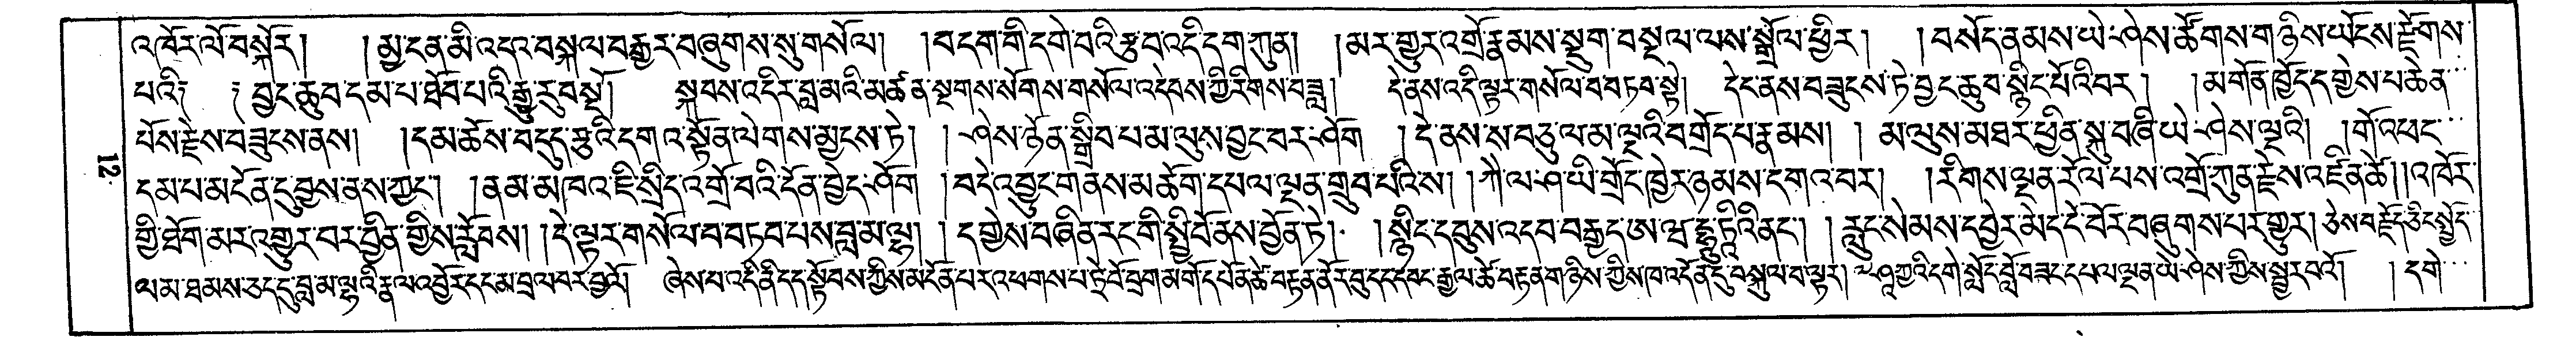འཁོར་ལོ་བསྐོར། །མྱ་ངན་མི་འདའ་བསྐལ་བརྒྱར་བཞུགས་སུ་གསོལ། །བདག་གི་དགེ་བའི་རྩ་བ་འདི་དག་ཀུན། །མར་གྱུར་འགྲོ་རྣམས་སྡུག་བསྔལ་ལས་སྒྲོལ་ཕྱིར། །བསོད་ནམས་ཡེ་ཤེས་ཚོགས་གཉིས་ཡོངས་རྫོགས་
པའི༑ ༑བྱང་ཆུབ་དམ་པ་ཐོབ་པའི་རྒྱུ་རུ་བསྔོ། སྐབས་འདིར་བླ་མའི་མཚན་སྔགས་སོགས་གསོལ་འདེབས་ཀྱི་རིགས་བཟླ། དེ་ནས་འདི་ལྟར་གསོལ་བ་བཏབ་སྟེ། དེང་ནས་བཟུངས་ཏེ་བྱང་ཆུབ་སྙིང་པོའི་བར། །མགོན་ཁྱོད་དགྱེས་པ་ཆེན་
པོས་རྗེས་བཟུངས་ནས། །དམ་ཆོས་བདུད་རྩིའི་དགའ་སྟོན་ལེགས་མྱངས་ཏེ། །ཤེས་ཉོན་སྒྲིབ་པ་མ་ལུས་བྱང་བར་ཤོག །དེ་ནས་ས་བཅུ་ལམ་ལྔའི་བགྲོད་པ་རྣམས། །མ་ལུས་མཐར་ཕྱིན་སྐུ་བཞི་ཡེ་ཤེས་ལྔའི། །གོ་འཕང་
དམ་པ་མངོན་དུ་བྱས་ནས་ཀྱང་། །ནམ་མཁའ་ཇི་སྲིད་འགྲོ་བའི་དོན་བྱེད་ཤོག །བདེ་འབྱུང་གནས་མཆོག་དཔལ་ལྡན་གྲུབ་པའི་ས། །ཀཻ་ལ་ཤ་ཡི་གྲོང་ཁྱེར་ཉམས་དགའ་བར། །རིགས་ལྡན་རོལ་པས་འགྲོ་ཀུན་རྗེས་འཛིན་ཚེ། །འཁོར་
གྱི་ཐོག་མར་འགྱུར་བར་བྱིན་གྱིས་རློབས། །དེ་ལྟར་གསོལ་བ་བཏབ་པས་བླ་མ་ལྷ། །དགྱེས་བཞིན་རང་གི་སྤྱི་བོ་ནས་བྱོན་ཏེ། །སྙིང་དབུས་འདབ་བརྒྱད་ཨ་ཝ་དྷཱུ་ཏཱིའི་ནང་། །རླུང་སེམས་དབྱེར་མེད་ངོ་བོར་བཞུགས་པར་གྱུར། ཅེས་བརྗོད་ཅིང་སྤྱོད་
ལམ་ཐམས་ཅད་དུ་བླ་མ་ལྷའི་རྣལ་འབྱོར་དང་མ་བྲལ་བར་བྱའོ། ཞེས་པ་འདི་ནི་དད་སྟོབས་ཀྱིས་མངོན་པར་འཕགས་པ་ཏྲེ་བོ་བྲག་མགོ་དཔོན་ཚེ་བརྟན་ནོར་བུ་དང་དབང་རྒྱལ་ཚེ་བརྟན་གཉིས་ཀྱིས་ཁ་འདོན་དུ་བསྐུལ་བ་ལྟར། ༧ཤཱཀྱའི་དགེ་སློང་བློ་བཟང་དཔལ་ལྡན་ཡེ་ཤེས་ཀྱིས་སྦྱར་བའོ། །དགེ་